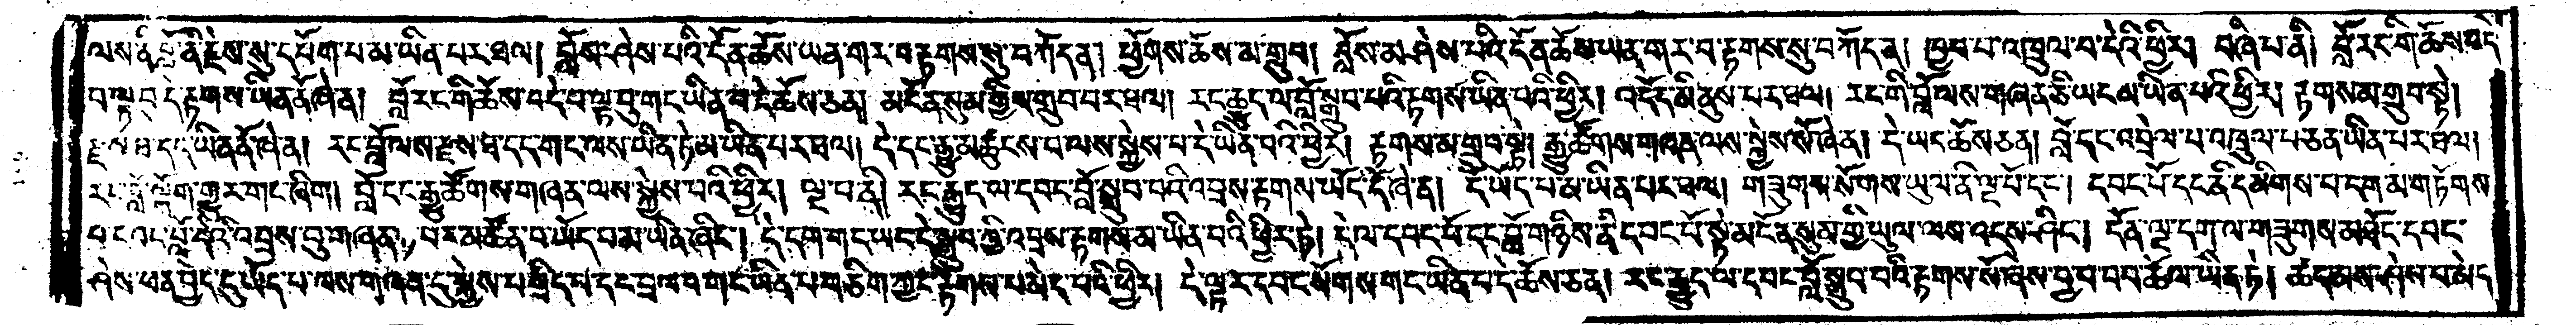ལས་ནི་བློ་ནི་རྗེས་སུ་དཔོག་པ་མ་ཡིན་པར་ཐལ། བློས་ཤེས་པའི་དོན་ཆོས་ཡན་གར་བརྟགས་སུ་བཀོད་ན། ཕྱོགས་ཆོས་མ་གྲུབ། བློས་མ་ཤེས་པའི་དོན་ཆོས་ཡན་གར་བ་རྟགས་སུ་བཀོད་ན། ཁྱབ་པ་འཁྲུལ་བ་དེའི་ཕྱིར། བཞི་པ་ནི། བློ་རང་གི་ཆོས་བདེ་
བ་ལྟ་བུ་དེ་རྟགས་ཡིན་ནོ་ཞེ་ན། བློ་རང་གི་ཆོས་བདེ་བ་ལྟ་བུ་གང་ཡིན་བ་དེ་ཆོས་ཅན། མངོན་སུམ་གྱིས་གྲུབ་པར་ཐལ། རང་རྒྱུད་ལ་བློ་སྒྲུབ་པའི་རྟགས་ཡིན་པའི་ཕྱིར། འདོད་མི་ནུས་པར་ཐལ། རང་གི་བློ་ལས་གཞན་ཅི་ཡང་མ་ཡིན་པའི་ཕྱིར། རྟགས་མ་གྲུབ་སྟེ།
རྫས་ཐ་དད་ཡིན་ནོ་ཞེ་ན། རང་བློ་ལས་རྫས་ཐ་དད་གང་ལས་ཡིན་ཏེ་མ་ཡིན་པར་ཐལ། དེ་དང་རྒྱུ་མཚུངས་བ་ལས་སྐྱེས་པ་དེ་ཡིན་པའི་ཕྱིར། རྟགས་མ་གྲུབ་སྟེ། རྒྱུ་ཚོགས་གཞན་ལས་སྐྱེས་སོ་ཞེ་ན། དེ་ཡང་ཆོས་ཅན། བློ་དང་འབྲེལ་པ་འཁྲུལ་པ་ཅན་ཡིན་པར་ཐལ།
རང་བློ་ལྐོག་གྱུར་གང་ཞིག། བློ་དང་རྒྱུ་ཚོགས་གཞན་ལས་སྐྱེས་པའི་ཕྱིར། ལྔ་པ་ནི། རང་རྒྱུད་ལ་དབང་བློ་སྒྲུབ་བའི་འབྲས་རྟགས་ཡོད་དོ་ཞེ་ན། དེ་ཡོད་པ་མ་ཡིན་པར་ཐལ། གཟུགས་སོགས་ཡུལ་ནི་ལྔ་པོ་དང་། དབང་པོ་དང་ནི་དམིགས་པ་དག་མ་གཏོགས་
བ་དབང་བློ་དེའི་འབྲས་བུ་གཞན་ཉ་བར་མཚོན་བ་ཡོད་བ་མ་ཡིན་ཞིང་། དེ་དག་གང་ཡང་དེ་སྒྲུབ་ཀྱི་འབྲས་རྟགས་མ་ཡིན་པའི་ཕྱིར་ཏེ། དེ་ལ་དབང་པོ་དང་བློ་གཉིས་ནི་དབང་པོ་སྟེ་མངོན་སུམ་གྱི་ཡུལ་ལས་འདས་ཤིང་། དོན་ལྔ་དག་ལ་གཟུགས་མཐོང་དབང་
ཤེས་ཕན་བྱེད་དུ་ཡོད་པ་ལས་གཞན་དུ་སྐྱེས་པ་སྲིད་པ་དང་བྲལ་བ་གང་ཡིན་པ་གཅིག་ཀྱང་རྟགས་པ་མེད་པའི་ཕྱིར། དེ་ལྟར་དབང་སོགས་གང་ཡིན་པ་དེ་ཆོས་ཅན། རང་རྒྱུད་ལ་དབང་བློ་སྒྲུབ་བའི་རྟགས་སོ་ཞེས་བྱ་བ་བབ་ཆོས་ཡིན་ཏེ། ཚད་མས་ཤེས་བ་མེད་